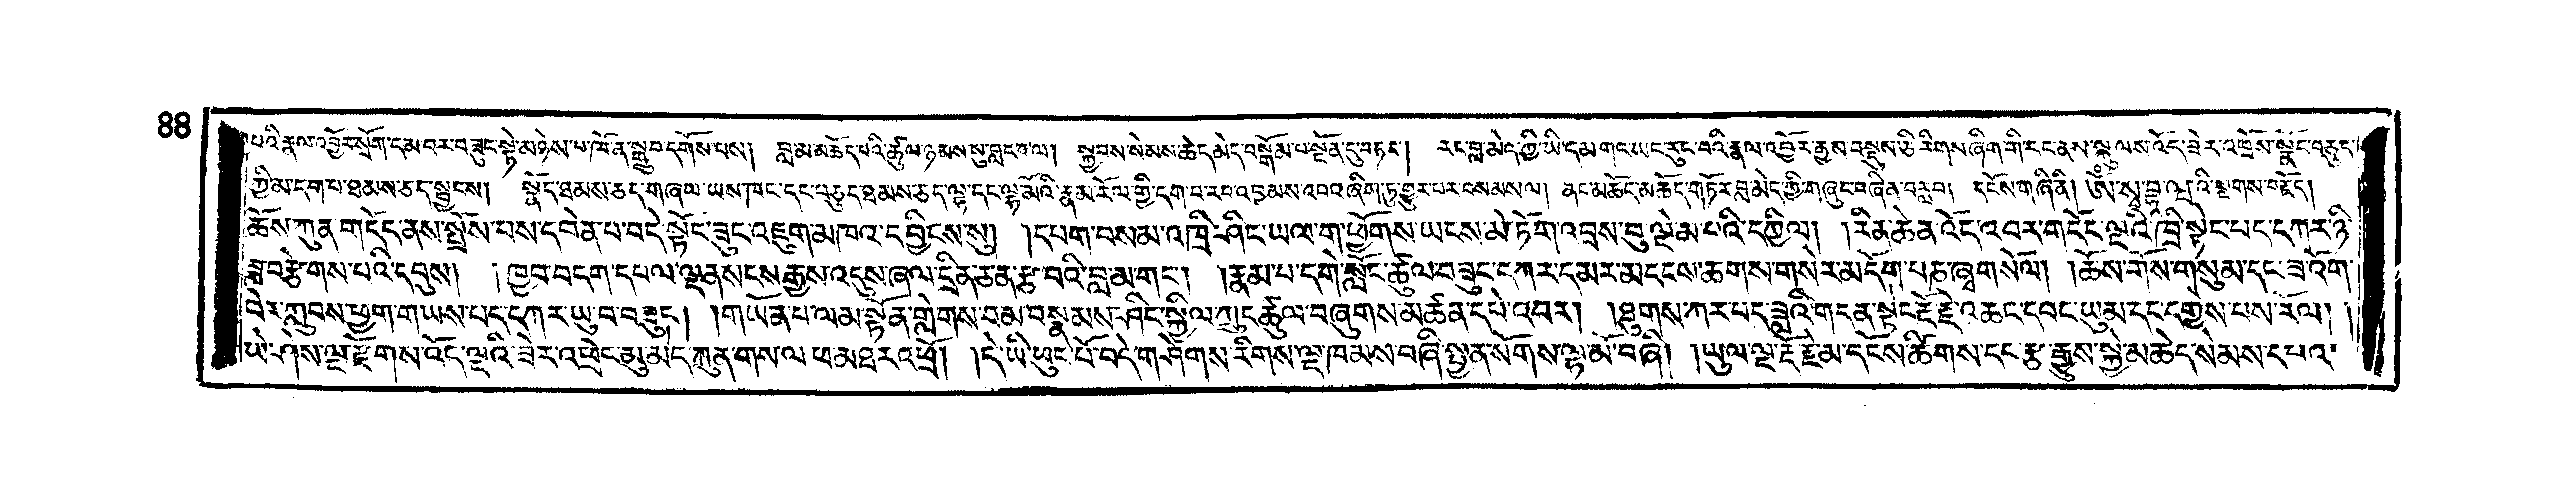པའི་རྣལ་འབྱོར་སྲོག་དམ་པར་བཟུང་སྟེ་མཉེས་པ་ཁོ་ན་སྒྲུབ་དགོས་པས། བླ་མ་མཆོད་པའི་ཚུལ་ཉམས་སུ་བླང་བ་ལ། སྐྱབས་སེམས་ཆེད་མེད་བསྒོམ་པ་སྔོན་དུ་བཏང་། །རང་བླ་མེད་ཀྱི་ཡི་དམ་གང་ཡང་རུང་བའི་རྣལ་འབྱོར་རྒྱས་བསྡུས་ཅི་རིགས་ཞིག་གི་ངང་ནས་སྐུ་ལས་འོད་ཟེར་འཕྲོས་སྣོད་བཅུད་
ཀྱི་མ་དག་པ་ཐམས་ཅད་སྦྱངས། སྣོད་ཐམས་ཅད་གཞལ་ཡས་ཁང་དང་བཅུད་ཐམས་ཅད་ལྷ་དང་ལྷ་མོའི་རྣམ་རོལ་གྱི་དག་པ་རབ་འབྱམས་འབའ་ཞིག་ཏུ་གྱུར་པར་བསམས་ལ། ནང་མཆོད་མཆོད་གཏོར་བླ་མེད་ཀྱི་གཞུང་བཞིན་བརླབ། དངོས་གཞི་ནི། ཨོཾ་སྭཱ་བྷཱ་ཝའི་སྔགས་བརྗོད།
ཆོས་ཀུན་གདོང་ནས་སྤྲོས་པས་དབེན་པ་བདེ་སྟོང་ཟུང་འཇུག་མཁའ་དབྱིངས་སུ། །དཔག་བསམ་འཁྲི་ཤིང་ཡལ་ག་ཕྱོགས་ཡངས་མེ་ཏོག་འབྲས་བུ་ལྡེམ་པའི་དཀྱིལ། །རིན་ཆེན་འོད་འབར་གདོང་ལྔའི་ཁྲི་སྟེང་པད་དཀར་ཉི་
ཟླ་བརྩེགས་པའི་དབུས། །ཁྱབ་བདག་དཔལ་ལྡན་སངས་རྒྱས་འདུས་ཞལ་དྲིན་ཅན་རྩ་བའི་བླ་མ་གང་། །རྣམ་པ་དགེ་སློང་ཚུལ་བཟུང་དཀར་དམར་མདངས་ཆགས་གསེར་མདོག་པཎ་ཞྭ་གསོལ། །ཆོས་གོས་གསུམ་དང་ཟ་འོག་
བེར་ཀླུབས་ཕྱག་གཡས་པད་དཀར་ཡུ་བ་བཟུང་། །གཡོན་པ་ལམ་སྟོན་གླེགས་བམ་བསྣམས་ཤིང་སྐྱིལ་ཀྲུང་ཚུལ་བཞུགས་མཚན་དཔེ་འབར། །ཐུགས་ཀར་པད་ཟླའི་གདན་སྟེང་རྡོ་རྗེ་འཆང་དབང་ཡུམ་དང་དགྱེས་པས་རོལ། །
ཡེ་ཤེས་ལྔ་རྫོགས་འོད་ལྔའི་ཟེར་འཕྲེང་མུ་མེད་ཀུན་གསལ་ཕ་མཐར་འཕྲོ། །དེ་ཡི་ཕུང་པོ་བདེ་གཤེགས་རིགས་ལྔ་ཁམས་བཞི་སྤྱན་སོགས་ལྷ་མོ་བཞི། །ཡུལ་ལྔ་རྡོ་རྗེ་མ་དངོས་ཚིགས་དང་རྩ་རྒྱུས་སྐྱེ་མཆེད་སེམས་དཔའ་